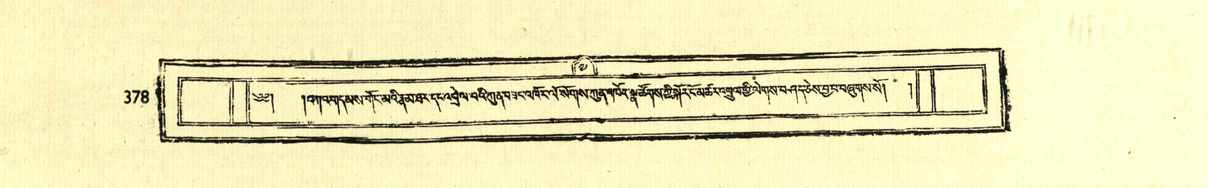༄༅། །བཀའ་གདམས་གོང་མའི་རྣམ་ཐར་དང་འབྲེལ་བའི་ཀུན་བཟང་འཁོར་ལོ་སོགས་ཀུན་འཁོར་སྣ་ཚོགས་ཀྱི་སྐོར་ངོ་མཚར་འགྲུལ་གྱི་ལེགས་བཤད་ཅེས་བྱ་བ་བཞུགས་སོ། །